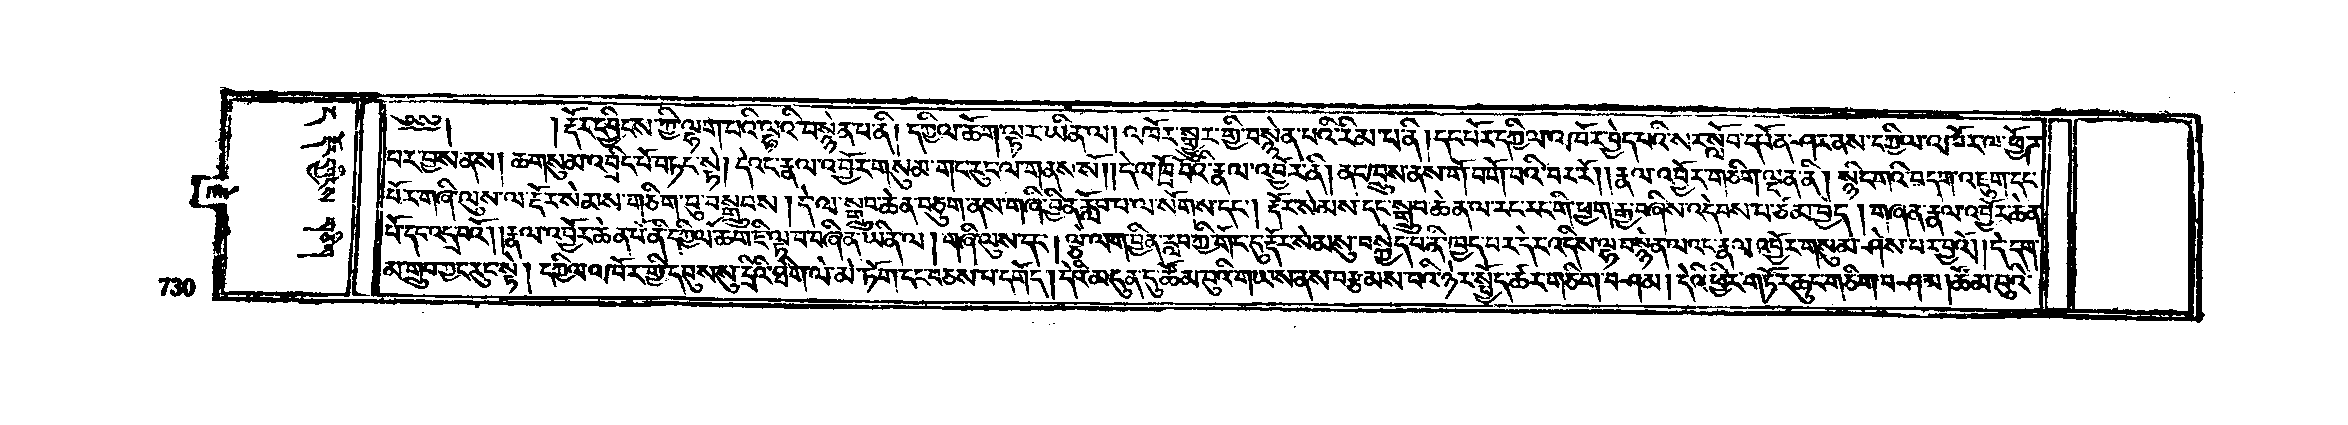༄༅༅། །རྡོར་དབྱིངས་ཀྱི་ལྷག་པའི་ལྷའི་བསྙེན་པ་ནི། དཀྱིལ་ཆོག་ལྟར་ཡིན་ལ། འཁོར་སྒྱུར་གྱི་བསྙེན་པའི་རིམ་པ་ནི། དང་པོར་དཀྱིལ་འཁོར་བྱེད་པའི་སར་སློབ་དཔོན་ཤར་ནས་དཀྱིལ་འཁོར་ལ་ཕྱོགས་
པར་བྱས་ནས། ཆ་གསུམ་འབྲིང་པོ་བཏང་སྟེ། དེའང་རྣལ་འབྱོར་གསུམ་གང་རུང་ལ་གནས་སོ། །དེ་ལ་ཁྲོ་བོའི་རྣལ་འབྱོར་ནི། ནང་ཁྲུས་ནས་གོ་བགོ་བའི་བར་རོ། །རྣལ་འབྱོར་གཅིག་ལྡན་ནི། སྙིང་གའི་བདག་འཇུག་དང་
པོར་གཞི་ལུས་ལ་རྡོར་སེམས་གཅིག་པུ་བསྒྲུབས། དེ་ལ་སྒྲུབ་ཆེན་བཅུག་ནས་གཞི་བྱིན་རློབ་པ་ལ་སོགས་དང་། རྡོར་སེམས་དང་སྒྲུབ་ཆེན་ལ་རང་རང་གི་ཕྱག་རྒྱ་བཞིས་འདེབས་པ་ཙམ་བྱེད། གཞན་རྣལ་འབྱོར་ཆེན་
པོ་དང་འདྲ་བའོ། །རྣལ་འབྱོར་ཆེན་པོ་ནི་དཀྱིལ་ཆོག་ཇི་ལྟ་བ་བཞིན་ཡིན་ལ། གཞི་ལུས་དང་། ལྕེ་ལག་བྱིན་རླབ་ཀྱི་གོང་དུ་རྡོར་སེམས་སུ་བསྐྱེད་པ་ནི་ཁྱད་པར་དེར་འདིས་ལྷ་བསྙེན་ལའང་རྣལ་འབྱོར་གསུམ་ཤེས་པར་བྱའོ། །དེ་དག་
མ་གྲུབ་ཀྱང་རུང་སྟེ། དཀྱིལ་འཁོར་གྱི་དབུས་སུ་དྲིའི་ཐིག་ལེ་མེ་ཏོག་དང་བཅས་པ་དགོད། དེའི་མདུན་དུ་ཚོམ་བུའི་གཡས་ནས་བརྩམས་པའི་ཉེར་སྤྱོད་ཚར་གཅིག་བཤམ། དེའི་ཕྱིར་གཏོར་ཆུང་གཅིག་བཤམ། ཚོམ་བུའི་